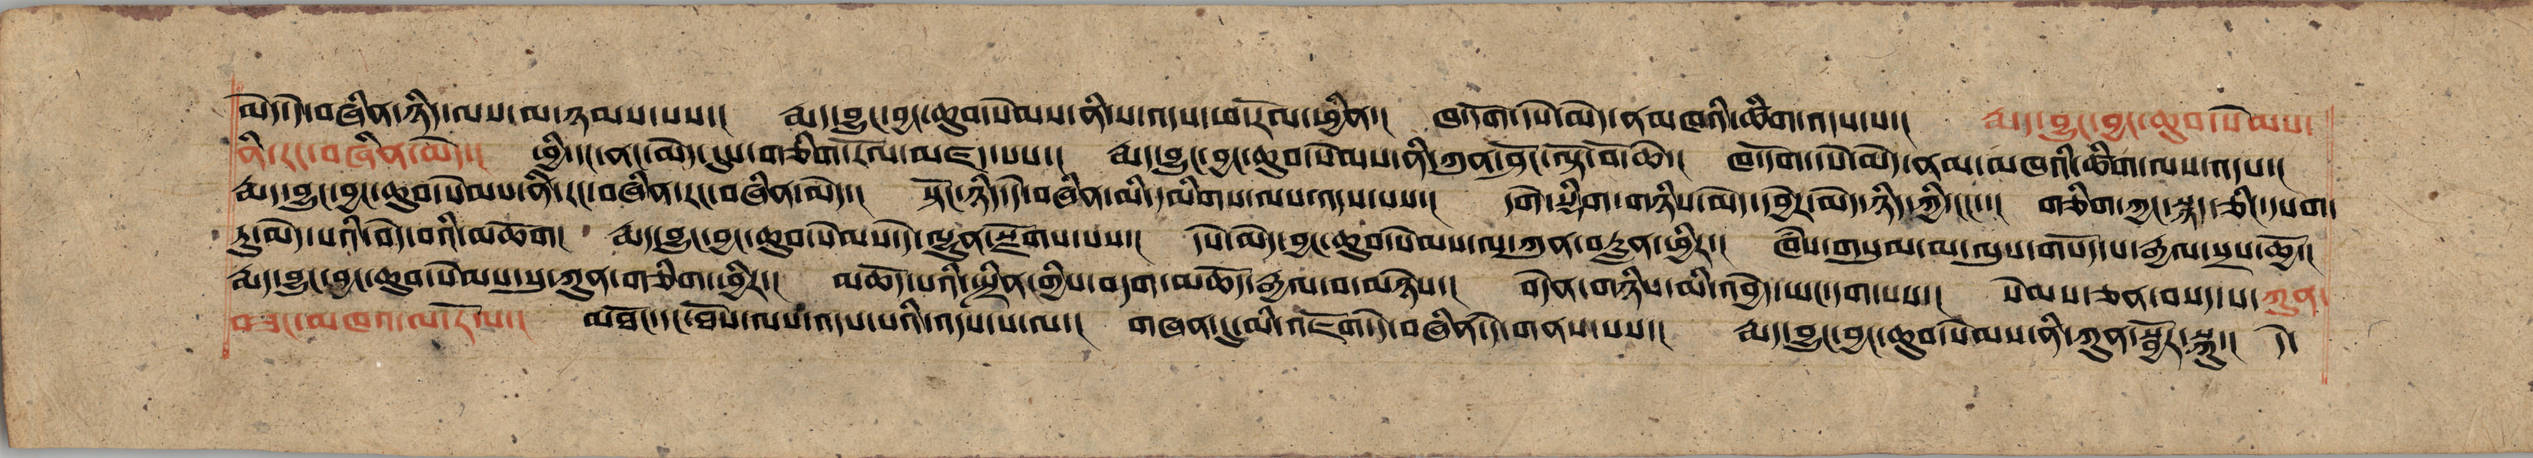མེད་དེ་བཞིན་ཉིད་ལས་མ་ཉམས་པས་། རྨད་བྱུང་བྱང་ཆུབ་སེམས་ནི་ས་འདས་ཕ་རོལ་ཕྱིན་། ཁ་དོག་དཔེ་མེད་ནམཁའི་ཚིག་འདས་པ་། རྨད་བྱུང་བྱང་ཆུབ་སེམས་
ནི་ེརང་བཞིན་མེད་། ཕྱི་དང་ནང་མེད་དུས་གཅིག་རོལ་མཛད་པས་། རྨད་བྱུང་བྱང་ཆུབ་སེམས་ནི་ཀུན་ཤོང་ལྟོ་བོ་ཆེ་། ཁ་དོག་དཔེ་མེད་ནམ་མཁའི་ཚིག་ལས་འདས་།
རྨད་བྱུང་བྱང་ཆུབ་སེམས་ནི་རང་བཞིན་རང་བཞིན་མེད་། སྟོང་ཉིད་དེ་བཞིན་མི་དམིགས་ལས་འདས་པས་། དགེ་སྡིག་གཉིས་མེད་དབྱེར་མེད་ཉིད་ཀྱི་ངང་་། གཅིག་ཀྱང་སྐད་ཅིང་དཔག་
ཏུ་མེད་པའི་བདེ་བའི་མཆོག། རྨད་བྱུང་བྱང་ཆུབ་སེམས་དེ་ལྷུན་སྫོགས་པས་། དཔེ་མེད་བྱང་ཆུབ་སེམས་ལ་ཀུན་བརླན་ཕྱིར་། ཁཾས་གསུམ་མ་ལུས་གསོད་པ་རྒྱལ་སྲས་ཆྱོ་།
རྨད་བྱུང་བྱང་ཆུབ་སེམས་སུ་ཀུན་གཅིག་ཕྱིར་། མཆོད་པའི་སྤྲིན་གྱིས་བདག་མཆོད་རྒྱལ་བ་མཉེས་། བདེན་གཉིས་མི་འབྱེད་ཡང་དག་པས་། སེམས་ཅན་བསད་པ་ཀུན་
བཟང་མཁའ་ལ་རོལ་། མཐོང་དང་ཐོས་ལས་འདས་པའི་འདས་པ་ལ་། གཞན་དུ་མི་འཇོག་དེ་བཞིན་དེ་གནས་པས་། རྨད་བྱུང་བྱང་ཆུབ་སེམས་ནི་ཀུན་སྦྱོར་སྐུ་།